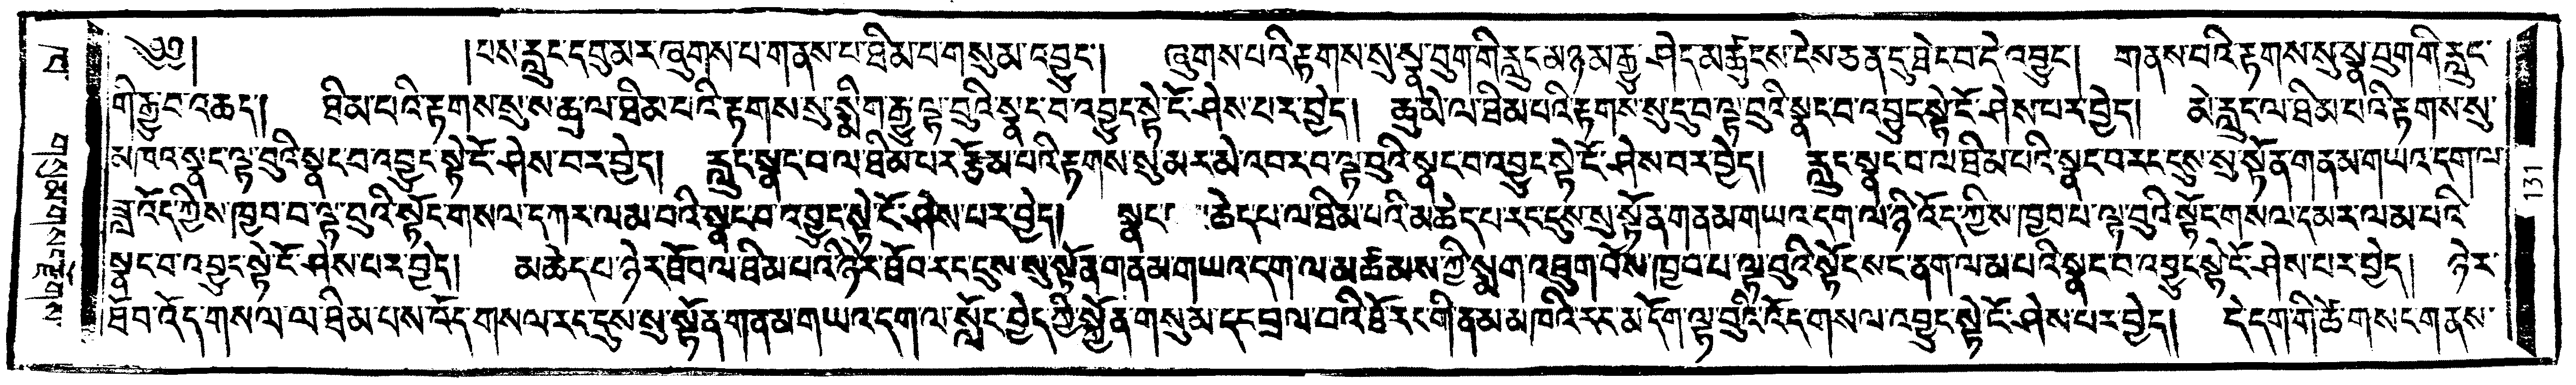༄༅། །པས་རླུང་དབུ་མར་ཞུགས་པ་གནས་པ་ཐིམ་པ་གསུམ་འབྱུང་། ཞུགས་པའི་རྟགས་སུ་སྣ་བུག་གི་རླུང་མཉམ་རྒྱུ་ཤེད་མཚུངས་ངེས་ཅན་དུ་ཐེང་བ་དེ་འབྱུང་། གནས་པའི་རྟགས་སུ་སྣ་བུག་གི་རླུང་
གི་རྒྱུ་བ་འཆད། ཐིམ་པའི་རྟགས་སུ་ས་ཆུ་ལ་ཐིམ་པའི་རྟགས་སུ་སྨིག་རྒྱུ་ལྟ་བུའི་སྣང་བ་འབྱུང་སྟེ་ངོ་ཤེས་པར་བྱེད། ཆུ་མེ་ལ་ཐིམ་པའི་རྟགས་སུ་དུ་བ་ལྟ་བུའི་སྣང་བ་འབྱུང་སྟེ་ངོ་ཤེས་པར་བྱེད། མེ་རླུང་ལ་ཐིམ་པའི་རྟགས་སུ་
མཁའ་སྣང་ལྟ་བུའི་སྣང་བ་འབྱུང་སྟེ་ངོ་ཤེས་པར་བྱེད། རླུང་སྣང་བ་ལ་ཐིམ་པར་རྩོམ་པའི་རྟགས་སུ་མར་མེ་འབར་བ་ལྟ་བུའི་སྣང་བ་འབྱུང་སྟེ་ངོ་ཤེས་པར་བྱེད། རླུང་སྣང་བ་ལ་ཐིམ་པའི་སྣང་བ་རང་དུས་སུ་སྟོན་གནམ་གཡའ་དག་ལ་
ཟླ་འོད་ཀྱིས་ཁྱབ་བ་ལྟ་བུའི་སྟོང་གསལ་དཀར་ལམ་བའི་སྣང་བ་འབྱུང་སྟེ་ངོ་ཤེས་པར་བྱེད། སྣང་ཆེད་པ་ལ་ཐིམ་པའི་མཆེད་པ་རང་དུས་སུ་སྟོན་གནམ་གཡའ་དག་ལ་ཉི་འོད་ཀྱིས་ཁྱབ་པ་ལྟ་བུའི་སྟོང་གསལ་དམར་ལམ་པའི་
སྣང་བ་འབྱུང་སྟེ་ངོ་ཤེས་པར་བྱེད། མཆེད་པ་ཉེར་ཐོབ་ལ་ཐིམ་པའི་ཉེར་ཐོབ་རང་དུས་སུ་སྟོན་གནམ་གཡའ་དག་ལ་མཚམས་ཀྱི་སྨག་འཐུག་པོས་ཁྱབ་པ་ལྟ་བུའི་སྟོང་སང་ནག་ལམ་པའི་སྣང་བ་འབྱུང་སྟེ་ངོ་ཤེས་པར་བྱེད། ཉེར་
ཐོབ་འོད་གསལ་ལ་ཐིམ་པས་བོད་གསལ་རང་དུས་སུ་སྟོན་ག་ནམ་གཡའ་དག་ལ་སློང་བྱེད་ཀྱི་སྐྱོན་གསུམ་དང་བྲལ་བའི་ཐོ་རང་གི་ནམ་མཁའི་རང་མདོག་ལྟ་བུའི་འོད་གསལ་འབྱུང་སྟེ་ངོ་ཤེས་པར་བྱེད། དེ་དག་གི་ཚེ་གསང་གནས་